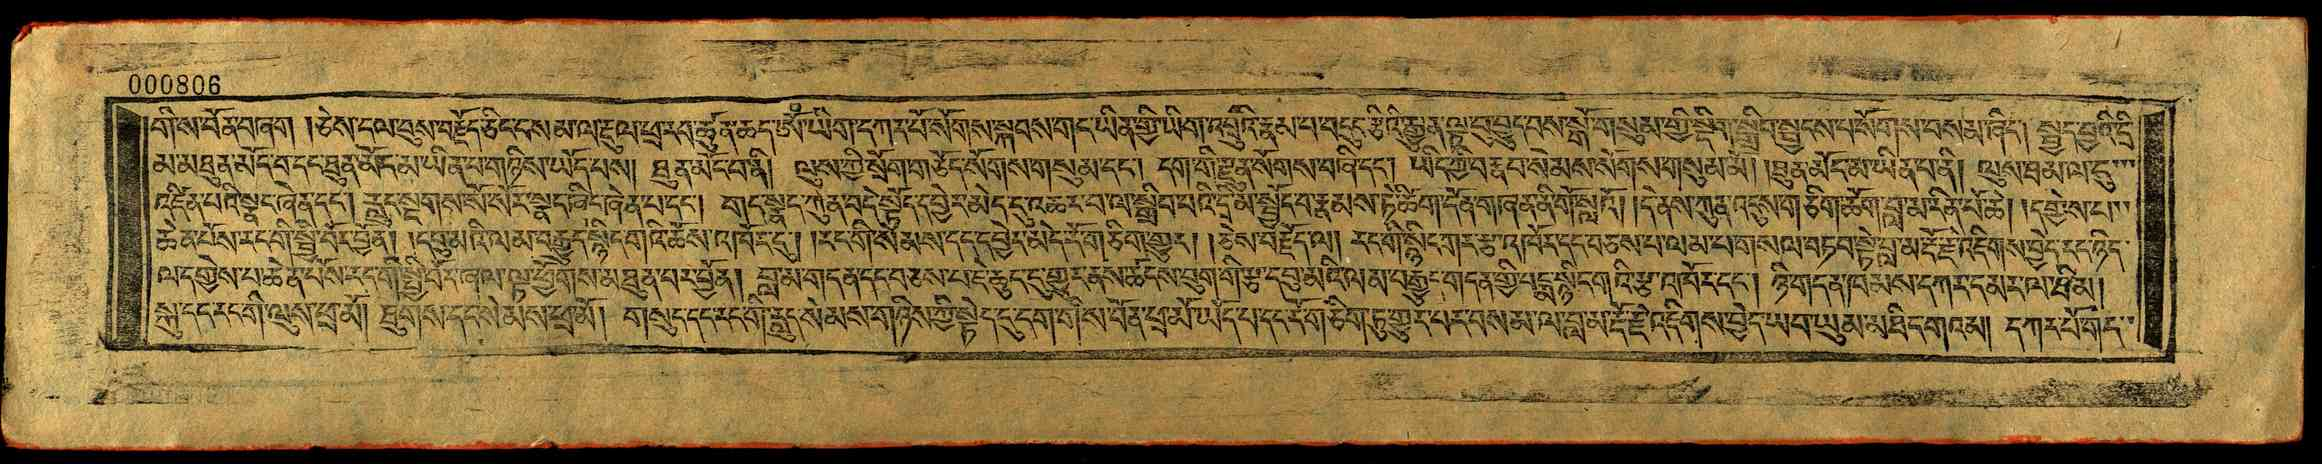གི་ས་བོན་བཞག །ཅེས་དལ་བུས་བརྗོད་ཅིང་བསམ་ལ་རྡུལ་ཕྲ་རབ་ཚུན་ཆད་ཨོཾ་ཡིག་དཀར་པོ་སོགས་སྐབས་གང་ཡིན་གྱི་ཡིག་འབྲུའི་རྣམ་པ་བདུད་རྩིའི་རྒྱུན་ལྟ་བུ་བྱུང་བས་སྒོ་གསུམ་གྱི་སྡིག་སྒྲིབ་སྦྱངས་པ་སོགས་བསམ་ཞིང་། སྦྱང་བྱའི་དྲི་
མ་མཐུན་མོང་བ་དང་ཐུན་མོང་མ་ཡིན་པ་གཉིས་ཡོད་པས། ཐུན་མོང་བ་ནི། ལུས་ཀྱི་སྲོག་གཅོད་སོགས་གསུམ་དང་། ངག་གི་རྫུན་སོགས་བཞི་དང་། ཡིད་ཀྱི་བརྣབ་སེམས་སོགས་གསུམ་མོ། །ཐུན་མོང་མ་ཡིན་པ་ནི། ལས་ཐ་མལ་དུ་
འཛིན་པའི་སྣང་ཞེན་དང་། རླུང་སྔགས་སོ་སོར་སྣང་ཞིང་ཞེན་པ་དང་། གང་སྣང་ཀུན་བདེ་སྟོང་དབྱེར་མེད་དུ་འཆར་བ་ལ་སྒྲིབ་པའི་དྲི་མ་སྦྱོང་བ་རྣམས་ཏེ་ཚིག་དོན་གཞན་ནི་གོ་སླའོ། །དེ་ནས་ཀུན་འདུས་གཅིག་ཆོག་བླ་མ་རིན་པོ་ཆེ། །དགྱེས་པ་
ཆེན་པོས་རང་གི་སྤྱི་བོར་བྱོན། །དབུ་མའི་ལམ་བརྒྱུད་སྙིང་གའི་ཆོས་འཁོར་དུ། །རང་གི་སེམས་དང་དབྱེར་མེད་རོ་གཅིག་གྱུར། །ཅེས་བརྗོད་ལ། རང་གི་སྙིང་གར་རྩ་འཁོར་དང་བཅས་པ་ལམ་པ་གསལ་བཏབ་སྟེ་བླ་མ་རྡོ་རྗེ་འཇིགས་བྱེད་རང་ཉིད་
ལ་དགྱེས་པ་ཆེན་པོས་རང་གི་སྤྱི་བོར་ཞལ་ལྟ་ཕྱོགས་མཐུན་པར་བྱོན། བླ་མ་གདན་དང་བཅས་པ་ཇེ་ཆུང་དུ་གྱུར་ནས་ཚངས་བུག་གི་རྩ་དབུ་མའི་ལམ་བརྒྱུད་གདན་གྱི་པདམ་སྙིང་གའི་རྩ་འཁོར་དང་། ཉི་གདན་ཁམས་དཀར་དམར་ལ་ཐིམ།
སྐུ་དང་རང་གི་ལུས་ཕྲ་མོ། ཐུགས་དང་སེམས་ཕྲ་མོ། གསུང་དང་རང་གི་རླུང་སེམས་གཉིས་ཀྱི་སྟེང་དུ་ངག་གི་ས་བོན་ཕྲ་མོ་ཡོད་པ་དང་རོ་གཅིག་ཏུ་གྱུར་པར་བསམ་ལ་བླ་མ་རྡོ་རྗེ་འཇིགས་བྱེད་ཡབ་ཡུམ་མཐིང་གའམ། །དཀར་པོ་གང་